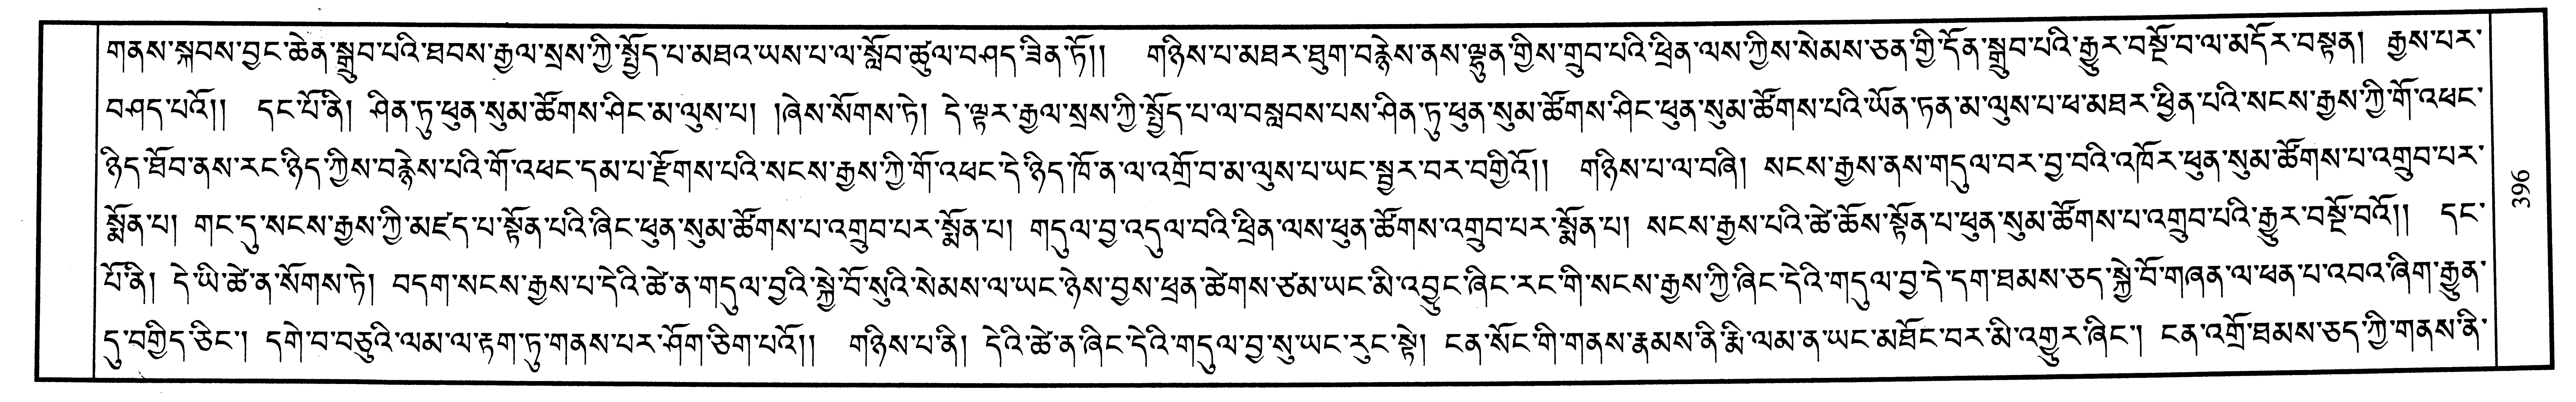གནས་སྐབས་བྱང་ཆུབ་སྒྲུབ་པའི་ཐབས་རྒྱལ་སྲས་ཀྱི་སྤྱོད་པ་མཐའ་ཡས་པ་ལ་སློབ་ཚུལ་བཤད་ཟིན་ཏོ།། གཉིས་པ་མཐར་ཐུག་བརྙེས་ནས་ལྷུན་གྱིས་གྲུབ་པའི་ཕྲིན་ལས་ཀྱིས་སེམས་ཅན་གྱི་དོན་སྒྲུབ་པའི་རྒྱུར་བསྔོ་བ་ལ་མདོར་བསྟན། རྒྱས་པར་
བཤད་པའོ།། དང་པོ་ནི། ཤིན་ཏུ་ཕུན་སུམ་ཚོགས་ཤིང་མ་ལུས་པ། །ཞེས་སོགས་ཏེ། དེ་ལྟར་རྒྱལ་སྲས་ཀྱི་སྤྱོད་པ་ལ་བསླབས་པས་ཤིན་ཏུ་ཕུན་སུམ་ཚོགས་ཤིང་ཕུན་སུམ་ཚོགས་པའི་ཡོན་ཏན་མ་ལུས་པ་ཕ་མཐར་ཕྱིན་པའི་སངས་རྒྱས་ཀྱི་གོ་འཕང་
ཉིད་ཐོབ་ནས་རང་ཉིད་ཀྱིས་བརྙེས་པའི་གོ་འཕང་དམ་པ་རྫོགས་པའི་སངས་རྒྱས་ཀྱི་གོ་འཕང་དེ་ཉིད་ཁོ་ན་ལ་འགྲོ་བ་མ་ལུས་པ་ཡང་སྦྱར་བར་བགྱིའོ།། གཉིས་པ་ལ་བཞི། སངས་རྒྱས་ནས་གདུལ་བར་བྱ་བའི་འཁོར་ཕུན་སུམ་ཚོགས་པ་འགྲུབ་པར་
སྨོན་པ། གང་དུ་སངས་རྒྱས་ཀྱི་མཛད་པ་སྟོན་པའི་ཞིང་ཕུན་སུམ་ཚོགས་པ་འགྲུབ་པར་སྨོན་པ། གདུལ་བྱ་འདུལ་བའི་ཕྲིན་ལས་ཕུན་ཚོགས་འགྲུབ་པར་སྨོན་པ། སངས་རྒྱས་པའི་ཚེ་ཆོས་སྟོན་པ་ཕུན་སུམ་ཚོགས་པ་འགྲུབ་པའི་རྒྱུར་བསྔོ་བའོ།། དང་
པོ་ནི། དེ་ཡི་ཚེ་ན་སོགས་ཏེ། བདག་སངས་རྒྱས་པ་དེའི་ཚེ་ན་གདུལ་བྱའི་སྐྱེ་བོ་སུའི་སེམས་ལ་ཡང་ཉེས་བྱས་ཕྲན་ཚེགས་ཙམ་ཡང་མི་འབྱུང་ཞིང་རང་གི་སངས་རྒྱས་ཀྱི་ཞིང་དེའི་གདུལ་བྱ་དེ་དག་ཐམས་ཅད་སྐྱེ་བོ་གཞན་ལ་ཕན་པ་འབའ་ཞིག་རྒྱུན་
དུ་བགྱིད་ཅིང་། དགེ་བ་བཅུའི་ལམ་ལ་རྟག་ཏུ་གནས་པར་ཤོག་ཅིག་པའོ།། གཉིས་པ་ནི། དེའི་ཚེ་ན་ཞིང་དེའི་གདུལ་བྱ་སུ་ཡང་རུང་སྟེ། ངན་སོང་གི་གནས་རྣམས་ནི་རྨི་ལམ་ན་ཡང་མཐོང་བར་མི་འགྱུར་ཞིང་། ངན་འགྲོ་ཐམས་ཅད་ཀྱི་གནས་ནི་